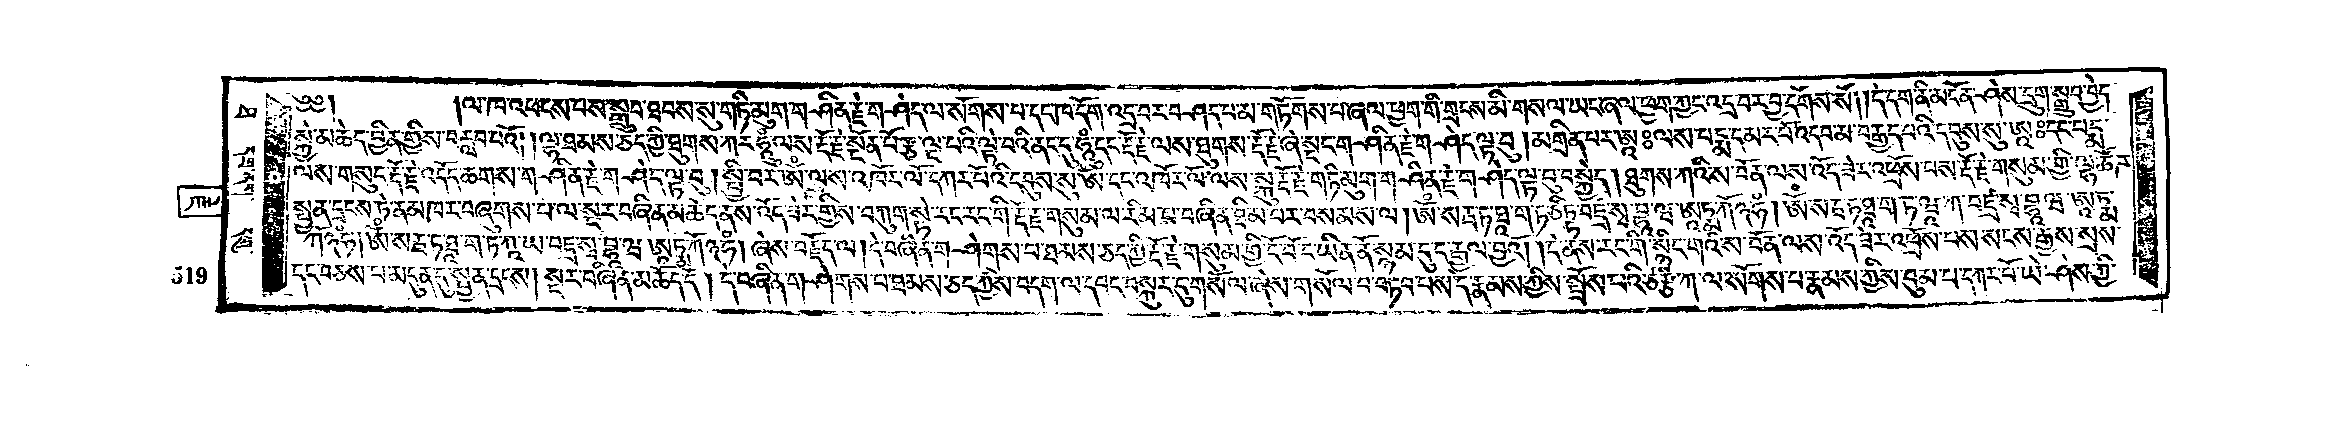༄༅། །ལ་ཁ་འཕངས་པས་སྒྲུབ་ཐབས་སུ་གཏི་མུག་གཤིན་རྗེ་གཤེད་ལ་སོགས་པ་དང་ཁ་དོག་འདྲ་བར་བཤད་པ་མ་གཏོགས་པ་ཞལ་ཕྱག་གི་གྲངས་མི་གསལ་ཡང་ཞལ་ཕྱག་ཀྱང་འདྲ་བར་བྱ་དགོས་སོ། །དེ་དག་ནི་མངོན་ཤེས་དྲུག་སྒྲུབ་བྱེད་
སྐྱེ་མཆེད་བྱིན་གྱིས་བརླབ་པའོ། །ལྷ་ཐམས་ཅད་ཀྱི་ཐུགས་ཀར་ཧཱུཾ་ལས་རྡོ་རྗེ་སྔོན་པོ་རྩ་ལྔ་པའི་ལྟེ་བའི་ནང་དུ་ཧཱུཾ་དང་རྡོ་རྗེ་ལས་ཐུགས་རྡོ་རྗེ་ཞེ་སྡང་གཤིན་རྗེ་གཤེད་ལྟ་བུ། མགྲིན་པར་ཨཱཿ ལས་པདམ་དམར་པོ་འདབ་མ་བརྒྱད་པའི་དབུས་སུ་ཨཱཿ དང་པདམ་
ལས་གསུང་རྡོ་རྗེ་འདོད་ཆགས་གཤིན་རྗེ་གཤེད་ལྟ་བུ། སྤྱི་བར་ཨོཾ་ལས་འཁོར་ལོ་དཀར་པོའི་དབུས་སུ་ཨོཾ་དང་འཁོར་ལོ་ལས་སྐུ་རྡོ་རྗེ་གི་མུག་གཤིན་རྗེ་གཤེད་ལྟ་བུ་བསྐྱེད། ཐུགས་ཀའི་ས་བོན་ལས་འོད་ཟེར་འཕྲོས་པས་རྡོ་རྗེ་གསུམ་གྱི་ལྷ་ཚོགས་
སྤྱན་དྲངས་ཏེ་ནམ་མཁར་བཞུགས་པ་ལ་སྔར་བཞིན་མཆོད་ནས་འོད་ཟེར་གྱིས་བཀུག་སྟེ་རང་རང་གི་རྡོ་རྗེ་གསུམ་ལ་རིམ་པ་བཞིན་ཐིམ་པར་བསམས་ལ། ཨོཾ་སརྦ་ཏ་ཐཱ་ག་ཏ་ཙིཏྟ་བཛྲ་སྭ་བྷཱ་ཝ་ཨཱཏྨ་ཀོཉྷཾ། ཨོཾ་སརྦ་ཏ་ཐཱ་ག་ཏ་ཝཱ་ཀ་བཛྲ་སྭ་བྷཱ་ཝ་ཨཱཏྨ་
ཀོཉྷཾ། ཨོཾ་སརྦ་ཏ་ཐཱ་ག་ཏ་ཀཱ་ཡ་བཛྲ་སྭ་བྷཱ་ཝ་ཨཱཏྨ་ཀོཉྷཾ། ཞེས་བརྗོད་ལ། དེ་བཞིན་གཤེགས་པ་ཐམས་ཅད་ཀྱི་རྡོ་རྗེ་གསུམ་གྱི་ངོ་བོ་ང་ཡིན་ནོ་སྙམ་དུ་ང་རྒྱལ་བྱའོ། །དེ་ནས་རང་གི་སྙིང་གའི་ས་བོན་ལས་འོད་ཟེར་འཕྲོས་པས་སངས་རྒྱས་སྲས་
དང་བཅས་པ་མདུན་དུ་སྤྱན་དྲངས། སྔར་བཞིན་མཆོད་དོ། དེ་བཞིན་གཤེགས་པ་ཐམས་ཅད་ཀྱིས་བདག་ལ་དབང་བསྐུར་དུ་གསོལ་ཞེས་གསོལ་བ་བཏབ་པས་དེ་རྣམས་ཀྱིས་སྤྲོས་པའི་ཙ་རྩི་ཀ་ལ་སོགས་པ་རྣམས་ཀྱིས་བུམ་པ་དཀར་པོ་ཡ་ཤེས་ཀྱི་